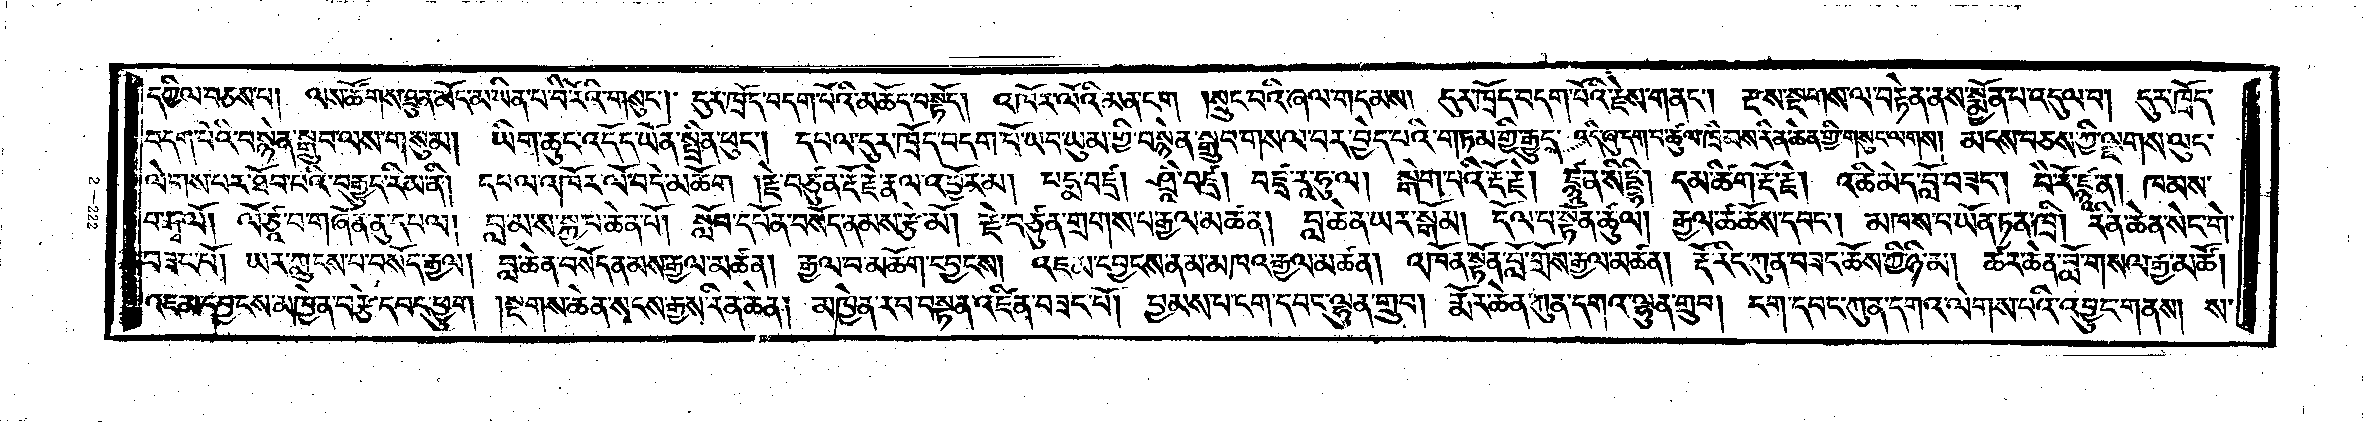དཀྱིལ་བཅས་པ། ལས་ཚོགས་ཐུན་མོང་མ་ཡིན་པ་བི་རོའི་གསུང་། དུར་ཁྲོད་བདག་པོའི་མཆོད་བསྟོད། འཁོར་ལོའི་མན་ངག །སྲུང་བའི་ཞལ་གདམས། དུར་ཁྲོད་བདག་པོའི་རྗེས་གནང་། རྔས་སྔགས་ལ་བརྟེན་ནས་སྨྱོན་པ་འདུལ་བ། དུར་ཁྲོད་
བདག་པོའི་བསྙེན་སྒྲུབ་ལས་གསུམ། ཡིག་ཆུང་འདོད་ཡོན་སྤྲིན་ཕུང་། དཔལ་དུར་ཁྲོད་བདག་པོ་ཡབ་ཡུམ་གྱི་བསྙེན་སྒྲུབ་གསལ་བར་བྱེད་པའི་གཏམ་གྱི་རྒྱུད་འདི་ཞུ་དག་པ་ཚུལ་ཁྲིམས་རིན་ཆེན་གྱི་གསུང་ལགས།  མངས་བཅས་ཀྱི་ལྗགས་ལུང་
ལེགས་པར་ཐོབ་པའི་བརྒྱུད་རིམ་ནི། དཔལ་འཁོར་ལོ་བདེ་མཆོག །རྗེ་བཙུན་རྡོ་རྗེ་རྣལ་འབྱོར་མ། པདམ་བཛྲ། ཤྲཱི་བཛྲ། བཛྲ་རཱ་ཧུ་ལ། སྒེག་པའི་རྡོ་རྗེ། ཛྙཱུ་ན་སིདྡྷི། དམ་ཚིག་རྡོ་རྗེ། འཆི་མེད་བློ་བཟང་། བཻ་རོ་ཛྙཱ་ན། ཁམས་
བ་རྭ་ལོ། ལོ་ཙཱ་བ་གཞོན་ནུ་དཔལ། བླ་མ་ས་སྐྱ་པ་ཆེན་པོ། སློབ་དཔོན་བསོད་ནམས་རྩེ་མོ། རྗེ་བཙུན་གྲགས་པ་རྒྱལ་མཚན། བླ་ཆེན་ཡར་སྒོམ། དོལ་པ་སྟོན་ཚུལ། རྒྱལ་ཚ་ཆོས་དབང་། མཁས་པ་ཡོན་ཏན་ཁྲི། རིན་ཆེན་སེང་གེ་
བཟང་པོ། ཡར་ཀླུངས་པ་བསོད་རྒྱལ། བླ་ཆེན་བསོད་ནམས་རྒྱལ་མཚན། རྒྱལ་བ་མཆོག་དབྱངས། འཇམ་དབྱངས་ནམ་མཁའ་རྒྱལ་མཚན། འཁོན་སྟོན་བློ་གྲོས་རྒྱལ་མཚན། རྡོ་རིང་ཀུན་བཟང་ཆོས་ཀྱི་ཉི་མ། ཚར་ཆེན་བློ་གསལ་རྒྱ་མཚོ།
འཇམ་དབྱངས་མཁྱེན་བརྩེ་དབང་ཕྱུག །སྔགས་ཆེན་སངས་རྒྱས་རིན་ཆེན། མཁྱེན་རབ་བསྟན་འཛིན་བཟང་པོ། བྱམས་པ་ངག་དབང་ལྷུན་གྲུབ། རྨོར་ཆེན་ཀུན་དགའ་ལྷུན་གྲུབ། ངག་དབང་ཀུན་དགའ་ལེགས་པའི་འབྱུང་གནས། ས་